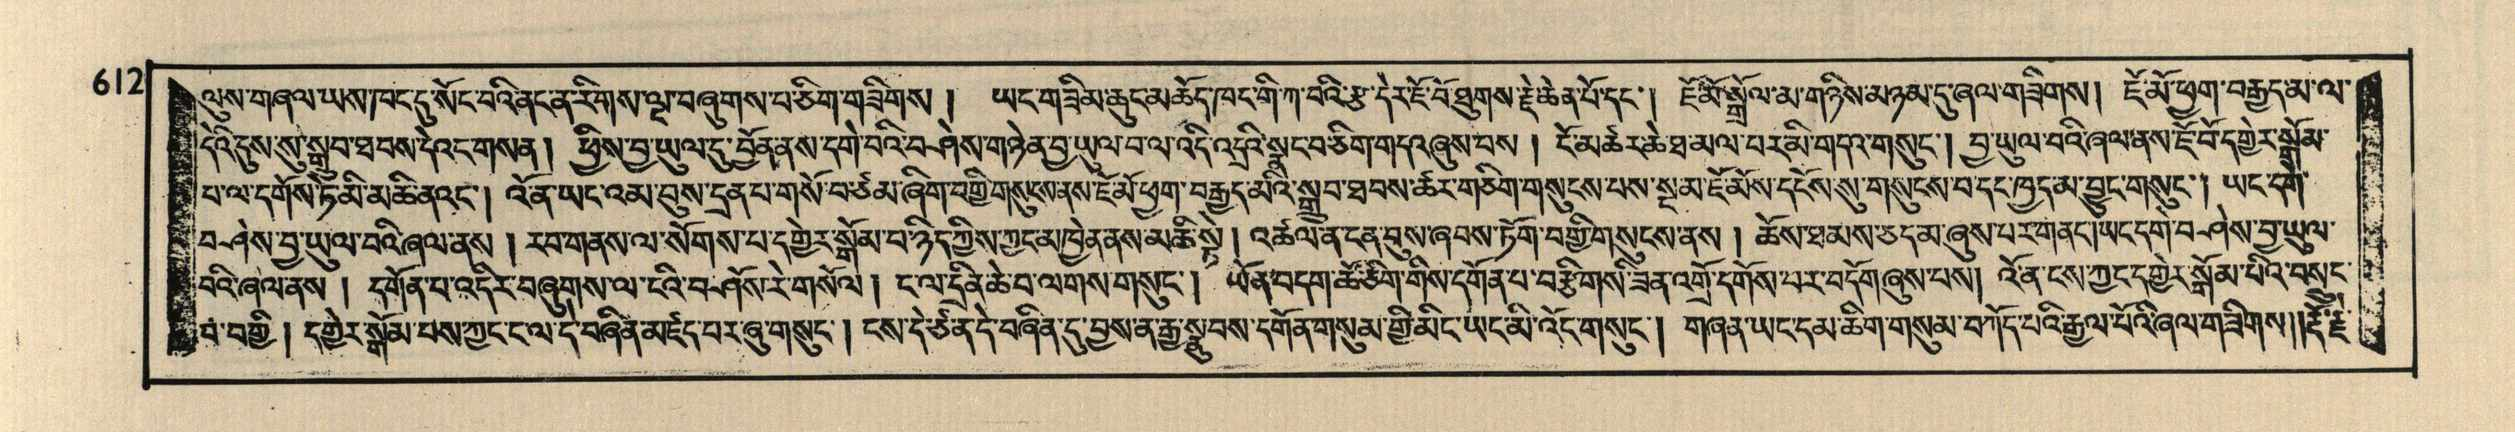ལུས་གཞལ་ཡས་ཁང་དུ་སོང་བའི་ནང་ན་རིགས་ལྔ་བཞུགས་པ་ཅིག་གཟིགས། ཡང་གཟིམ་ཆུང་མཆོད་ཁང་གི་ཀ་བའི་རྩ་དེར་ཇོ་བོ་ཐུགས་རྗེ་ཆེན་པོ་དང་། ཇོ་མོ་སྒྲོལ་མ་གཉིས་མཉམ་དུ་ཞལ་གཟིགས། ཇོ་མོ་ཕྱག་བརྒྱད་མ་ལ་
དེའི་དུས་སུ་སྒྲུབ་ཐབས་དེའང་གསན། ཕྱིས་བྱ་ཡུལ་དུ་བྱོན་ནས་དགེ་བའི་བཤེས་གཉེན་བྱ་ཡུལ་བ་ལ་འདི་འདྲའི་སྣང་བ་ཅིག་གདའ་ཞུས་པས། ངོ་མཚར་ཆེ་ཐ་མལ་པར་མི་གདའ་གསུང་། བྱ་ཡུལ་བའི་ཞལ་ནས་ཇོ་བོ་དགྱེར་སྒོམ་
པ་ལ་དགོས་ཏེ་མི་མཆི་ནའང་། འོ་ན་ཡང་འམ་བུས་དྲན་པ་གསོ་བ་ཙམ་ཞིག་བགྱི་གསུངས་ནས་ཇོ་མོ་ཕྱག་བརྒྱད་མའི་སྒྲུབ་ཐབས་ཚར་གཅིག་གསུངས་པས་སྔ་མ་ཇོ་མོས་དངོས་སུ་གསུངས་བ་དང་ཁྱད་མ་བྱུང་གསུང་། ཡང་དགེ་
བཤེས་བྱ་ཡུལ་བའི་ཞལ་ནས། རབ་གནས་ལ་སོགས་པ་དགྱེར་སྒོམ་པ་ཉིད་ཀྱིས་ཀྱང་མཁྱེན་ནས་མཆི་སྟེ། འཚལ་ན་ངན་བུས་ཞབས་ཏོག་བགྱི་གསུངས་ནས། ཆོས་ཐམས་ཅད་མ་ཞུས་པར་གནང་། ཡང་དགེ་བཤེས་བྱ་ཡུལ་
བའི་ཞལ་ནས། དགོན་པ་འདིར་བཞུགས་ལ་ངའི་བཤོས་རེ་གསོལ། ང་ལ་དྲིན་ཆེ་བ་ལགས་གསུང་། ཡོན་བདག་ཚོ་ཅིག་གིས་དགོན་པ་བརྩིགས་ཟིན་འགྲོ་དགོས་བར་བདོག་ཞུས་པས། འོ་ན་ངས་ཀྱང་དགྱེར་སྒོམ་པའི་བསྲུང་
བ་བགྱི། དགྱེར་སྒོམ་པས་ཀྱང་ང་ལ་དེ་བཞིན་མཛད་པར་ཞུ་གསུང་། ངས་དེ་ཙ་ན་དེ་བཞིན་དུ་བྱས་ན་རྒྱ་སྣུབས་དགོན་གསུམ་གྱི་མིང་ཡང་མི་འོང་གསུང་། གཞན་ཡང་དམ་ཚིག་གསུམ་བཀོད་པའི་རྒྱལ་པོའི་ཞལ་གཟིགས། །རྡོ་རྗེ་